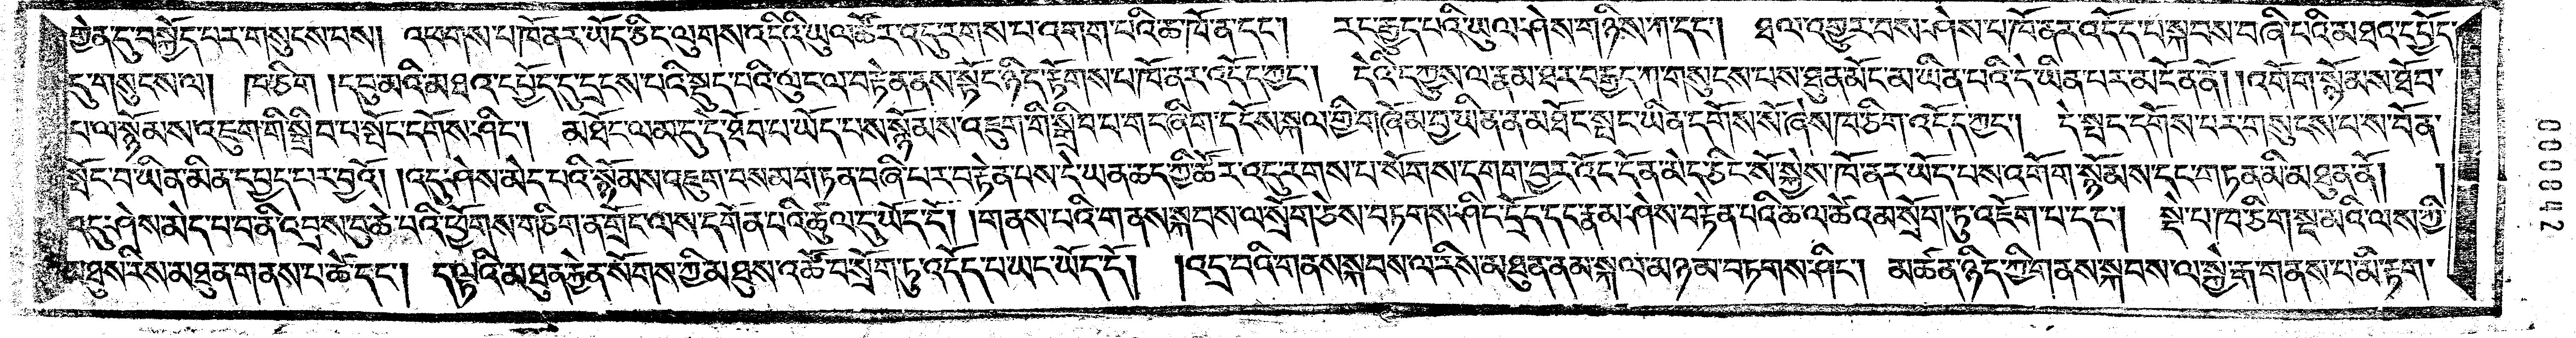གྱེན་དུ་བསྐྱོད་པར་གསུངས་པས། འཕགས་པ་ཁོ་ནར་ཡོད་ཅིང་ལུགས་འདིའི་ཡུལ་ཚོར་འདུ་རགས་པ་འགག་པའི་ཆ་ཁོ་ན་དང་། རང་རྒྱུད་པའི་ཡུལ་ཤེས་གཉིས་ཀ་དང་། ཐལ་འགྱུར་བས་ཤེས་པ་ཁོ་ནར་འདོད་པ་སྐབས་བཞི་པའི་མཐའ་དཔྱོད་
དུ་གསུངས་ལ། ཁ་ཅིག །དབུ་མའི་མཐའ་དཔྱོད་དུ་དྲངས་པའི་སྡུད་པའི་ལུང་ལ་བརྟེན་ནས་སྟོང་ཉིད་རྟོགས་པ་ཁོ་ནར་འདོད་ཀྱང་། དེའི་དཀྱུས་ལ་རྣམ་ཐར་བརྒྱད་ཀ་གསུངས་པས་ཐུན་མོང་མ་ཡིན་པའི་དེ་ཡིན་པར་མངོན་ནོ། །འགོག་སྙོམས་ཐོབ་
པ་ལ་སྙོམས་འཇུག་གི་སྒྲིབ་པ་སྤོང་དགོས་ཤིང་། མཐོང་ལམ་དུ་དེ་ཐོབ་པ་ཡོད་པས་སྙོམས་འཇུག་གི་སྒྲིབ་པ་གང་ཞིག་དངོས་སྐལ་གྱི་གཞོམ་བྱ་ཡིན་ན་མཐོང་སྤང་ཡིན་དགོས་སོ་ཞེས་ཁ་ཅིག་འདོད་ཀྱང་། དེ་སྤང་དགོས་པར་གསུངས་པ་ས་བོན་
སྤོང་བ་ཡིན་མིན་དཔྱད་པར་བྱའོ། །འདུ་ཤེས་མེད་པའི་སྙོམས་འཇུག་བསམ་གཏན་བཞི་པར་བརྟེན་པས་དེ་ཡན་ཆད་ཀྱི་ཚོར་འདུ་རགས་པ་སོགས་དགག་བྱར་འོང་དོན་མེད་ཅིང་སོ་སྐྱེས་ཁོ་ནར་ཡོད་པས་འགོག་སྙོམས་དང་གཏན་མི་མཐུན་ནོ། །
འདུ་ཤེས་མེད་པ་བ་ནི་འབྲས་བུ་ཆེ་བའི་ཕྱོགས་གཅིག་ན་གྲོང་ལས་དགོན་པའི་ཚུལ་དུ་ཡོད་དོ།། །གནས་པའི་གནས་སྐབས་ལ་སྲོག་ཅེས་བཏགས་ཤིང་དྲོད་དང་རྣམ་ཤེས་བརྟེན་པའི་ཆ་ལ་ཚེའམ་སྲོག་ཏུ་འཇོག་པ་དང་། སྡེ་པ་ཁ་ཅིག་སྔ་མའི་ལས་ཀྱི་
མཐུས་རིས་མཐུན་གནས་པ་ཚེ་དང་། ད་ལྟའི་མཐུན་རྐྱེན་སོགས་ཀྱི་མཐུས་འཚོ་བ་སྲོག་ཏུ་འདོད་པ་ཡང་ཡོད་དོ། །འདྲ་བའི་གནས་སྐབས་ལ་རིས་མཐུན་ནམ་སྐལ་མཉམ་བཏགས་ཤིང་། མཚན་ཉིད་ཀྱི་གནས་སྐབས་ལ་སྐྱེ་རྒ་གནས་པ་མི་རྟག་